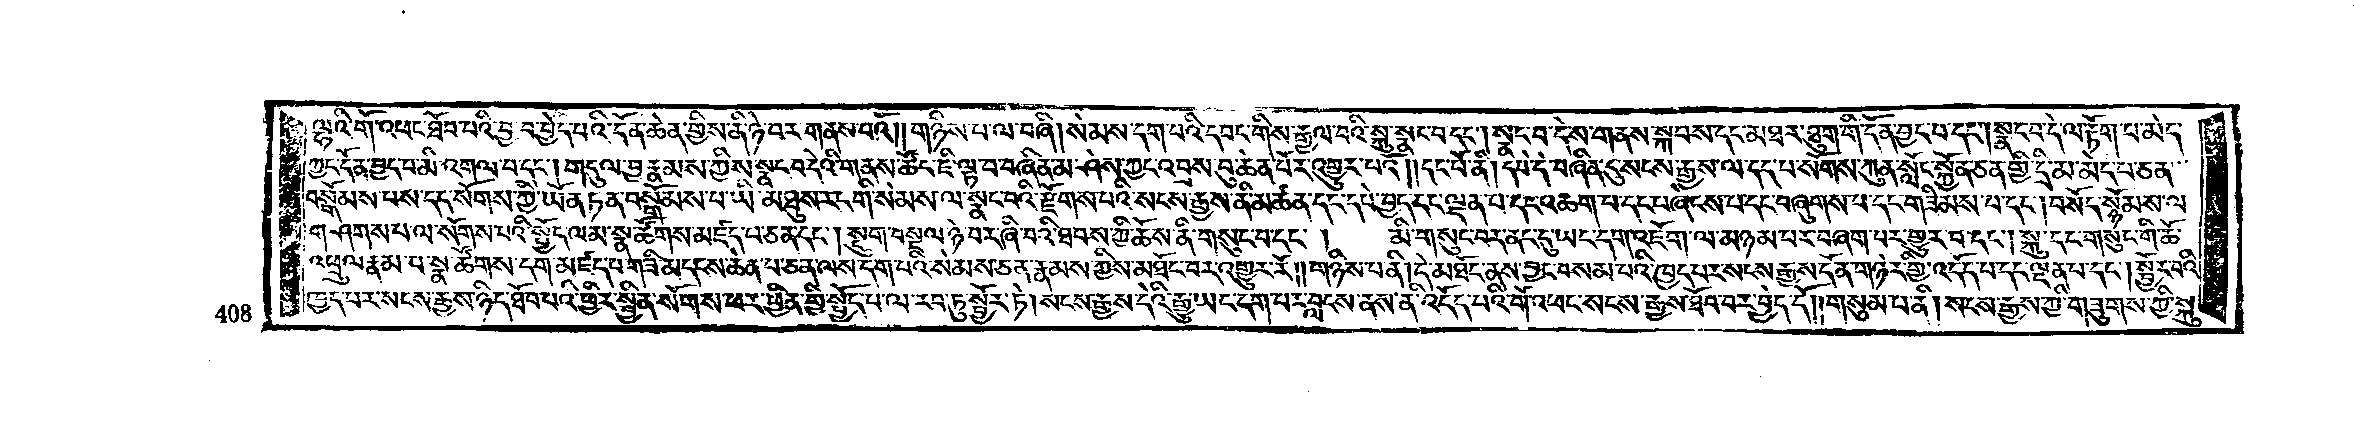ལྷའི་གོ་འཕང་ཐོབ་པའི་བྱ་བ་བྱེད་པའི་དོན་ཆེན་གྱིས་ནི་ཉེ་བར་གནས་པའོ། །གཉིས་པ་ལ་བཞི། སེམས་དག་པའི་དབང་གིས་རྒྱལ་བའི་སྐུ་སྣང་བ་དང་། སྣང་བ་དེས་གནས་སྐབས་དང་མཐར་ཐུག་གི་དོན་བྱང་བ་དང་། སྣང་བ་དེ་ལ་རྟོག་པ་མེད་
ཀྱང་དོན་བྱད་པ་མི་འགལ་བ་དང་། གདུལ་བྱ་རྣམས་ཀྱིས་སྣང་བ་དེའི་གནས་ཚོང་ཇི་ལྟ་བ་བཞིན་མ་ཤེས་ཀྱང་འབྲས་བུ་ཆེན་པོར་འགྱུར་བའོ། །དང་པོ་ནི། དཔེ་དེ་བཞིན་དུ་སངས་རྒྱས་ལ་དད་པ་སོགས་ཀུན་སློང་སྐྱོན་ཅན་གྱི་དྲི་མ་མེད་པ་ཅན་
བསྒོམས་པས་དད་སོགས་ཀྱི་ཡོན་ཏན་བསྒོམས་པ་ཡི་མཐུས་རང་གི་སེམས་ལ་སྣང་བའི་རྫོགས་པའི་སངས་རྒྱས་ནི་མཚན་དང་དཔེ་བྱད་དང་ལྡན་པ་དང་འཆག་པ་དང་བཞེངས་པ་དང་བཞུགས་པ་དང་གཟིམས་པ་དང་། བསོད་སྙོམས་ལ་
གཤེགས་པ་ལ་སོགས་པའི་སྤྱོད་ལམ་སྣ་ཚོགས་མཛད་པ་ཅན་དང་། སྡུག་བསྔལ་ཉེ་བར་ཞི་བའི་ཐབས་ཀྱི་ཆོས་ནི་གསུང་པ་དང་། མི་གསུང་བར་ནང་དུ་ཡང་དག་འཇོག་ལ་མཉམ་པར་བཞག་པར་གྱུར་པ་དང་། སྐུ་དང་གསུང་གི་ཆོ་
འཕྲུལ་རྣམ་པ་སྣ་ཚོགས་དག་མཛད་པ་གཟི་མདངས་ཆེན་པ་ཅན་ལས་དག་པའི་སེམས་ཅན་རྣམས་ཀྱིས་མཐོང་བར་འགྱུར་རོ། །གཉིས་པ་ནི། དེ་མཐོང་ནས་བྱང་བསམ་པའི་ཁྱད་པར་སངས་རྒྱས་དོན་གཉེར་གྱི་འདོད་པ་དང་ལྡན་པ་དང་། སྦྱོར་བའི་
ཁྱད་པར་སངས་རྒྱས་ཉིད་ཐོབ་པའི་ཕྱིར་སྦྱིན་སོགས་ཕར་ཕྱིན་གྱི་སྤྱོད་པ་ལ་རབ་ཏུ་སྦྱོར་ཏེ། སངས་རྒྱས་དེའི་རྒྱུ་ཡང་དག་པར་བླངས་ནས་ནི་འདོད་པའི་གོ་འཕང་སངས་རྒྱས་ཐོབ་པར་བྱེད་དོ། །གསུམ་པ་ནི། སངས་རྒྱས་ཀྱི་གཟུགས་ཀྱི་སྐུ་